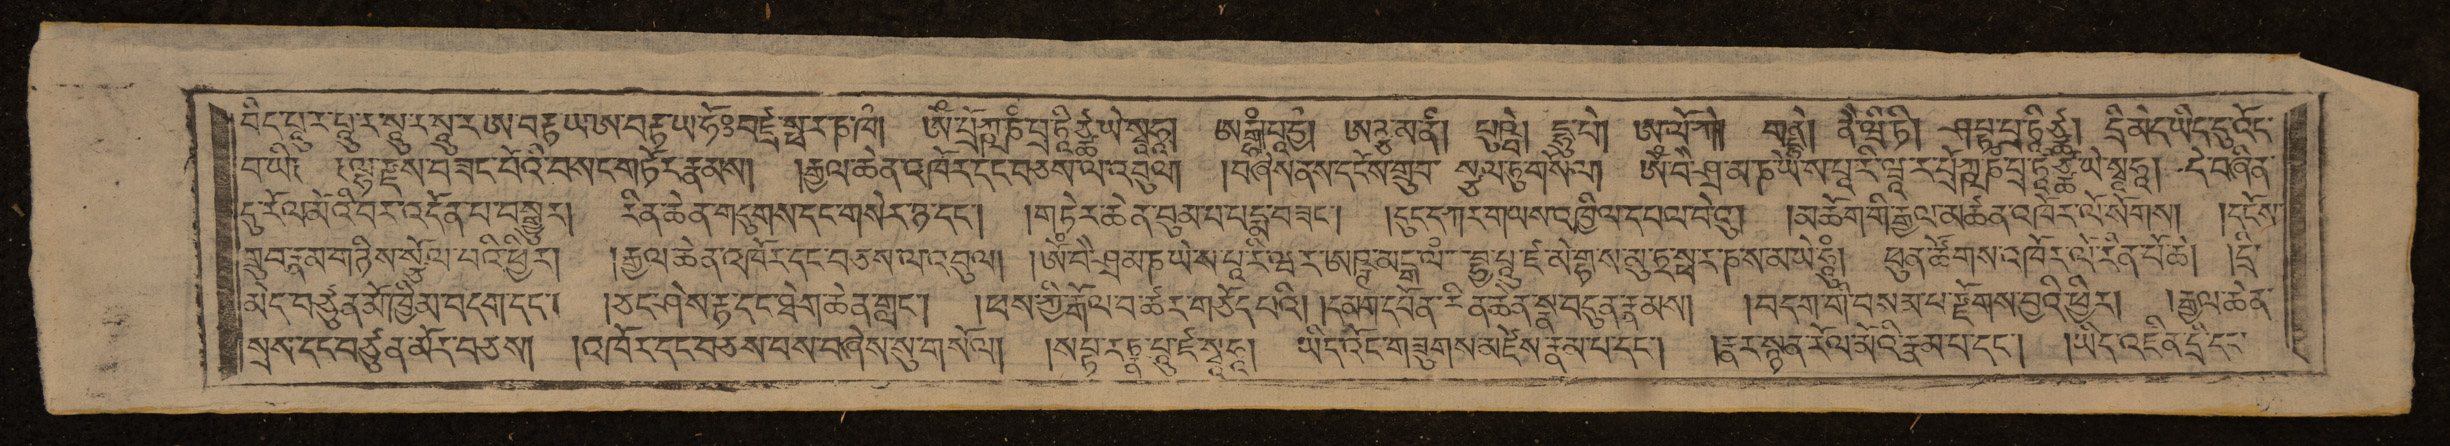བིད་པཱུ་ར་པཱུ་ར་སཱུ་ར་སཱུ་ར་ཨ་བརྟ་ཡ་ཨ་བརྟ་ཡ་ཧོཿབཛྲ་སྥ་ར་ཎ་ཁཾ། ཨོཾ་པྲོཀྵ་ཎཾ་པྲ་ཏཱིཙྪ་ཡེ་སྭཱཧཱ། ཨརྒྷཾ་པཱ་དྱཾ། ཨཉྩ་མ་ནཾ། པུཥྤེ། དྷུ་པེ། ཨ་ལོ་ཀེ། གནྡྷེ། ནཻ་ཝི་ཏི། ཤཔྟ་པྲ་ཏཱིཙྪ། དྲི་མེད་ཡིད་དུ་འོང་
པ་ཡི༑ ༑ལྷ་རྫས་བཟང་པོའི་བསང་གཏོར་རྣམས། །རྒྱལ་ཆེན་འཁོར་དང་བཅས་ལ་འབུལ། །བཞེས་ནས་དངོས་གྲུབ་སྩལ་ཏུ་གསོལ། ཨོཾ་བ་ཤྲ་མ་ཎ་ཡེ་ས་པཱ་རི་ཝཱ་ར་པྲོཀྵ་ཎཾ་པྲ་ཏཱི་ཙྩ་ཡེ་སྭཱཧཱ། དེ་བཞིན་
དུ་རོལ་མོའི་བར་འདོན་པ་བསྒྱུར། རིན་ཆེན་གདུགས་དང་གསེར་ཉ་དང་། །གཏེར་ཆེན་བུམ་པ་པདམ་བཟང་། །དུང་དཀར་གཡས་འཁྱིལ་དཔལ་བེའུ༑ །མཆོག་གི་རྒྱལ་མཚན་འཁོར་ལོ་སོགས། །དངོས་
གྲུབ་རྣམ་གཉིས་སྩོལ་བའི་ཕྱིར། །རྒྱལ་ཆེན་འཁོར་དང་བཅས་ལ་འབུལ། །ཨོཾ་བཻ་ཤྲ་མ་ཎ་ཡེ་ས་པཱ་རི་ཝར་ཨཥྚ་མངྒ་ལཾ་བྷྱ་པཱུ་ཛ་མེ་གྷ་ས་མུ་ཏྲ་སྥ་ར་ཎ་ས་མ་ཡེ་ཧཱུཾ། ཕུན་ཚོགས་འཁོར་ལོ་རིན་པོ་ཆེ། །དྲི་
མེད་བཙུན་མོ་ཁྱིམ་བདག་དང་། །ཅང་ཤེས་རྟ་དང་ཐེག་ཆེན་གླང་། །ཕས་ཀྱི་རྒོལ་བ་ཚར་གཅོད་པའི། །དམག་དཔོན་རིན་ཆེན་སྣ་བདུན་རྣམས། །བདག་གི་བསམ་པ་རྫོགས་བྱའི་ཕྱིར། །རྒྱལ་ཆེན་
སྲས་དང་བཙུན་མར་བཅས། །འཁོར་དང་བཅས་པས་བཞེས་སུ་གསོལ། །སཔྟ་རཏྣ་པཱུ་ཛ་སྭཱཧཱ། ཡིད་འོང་གཟུགས་མཛེས་རྣམ་པ་དང་། །རྣར་སྙན་རོལ་མོའི་རྣམ་པ་དང་། །ཡིད་འཛིན་དྲི་དང་